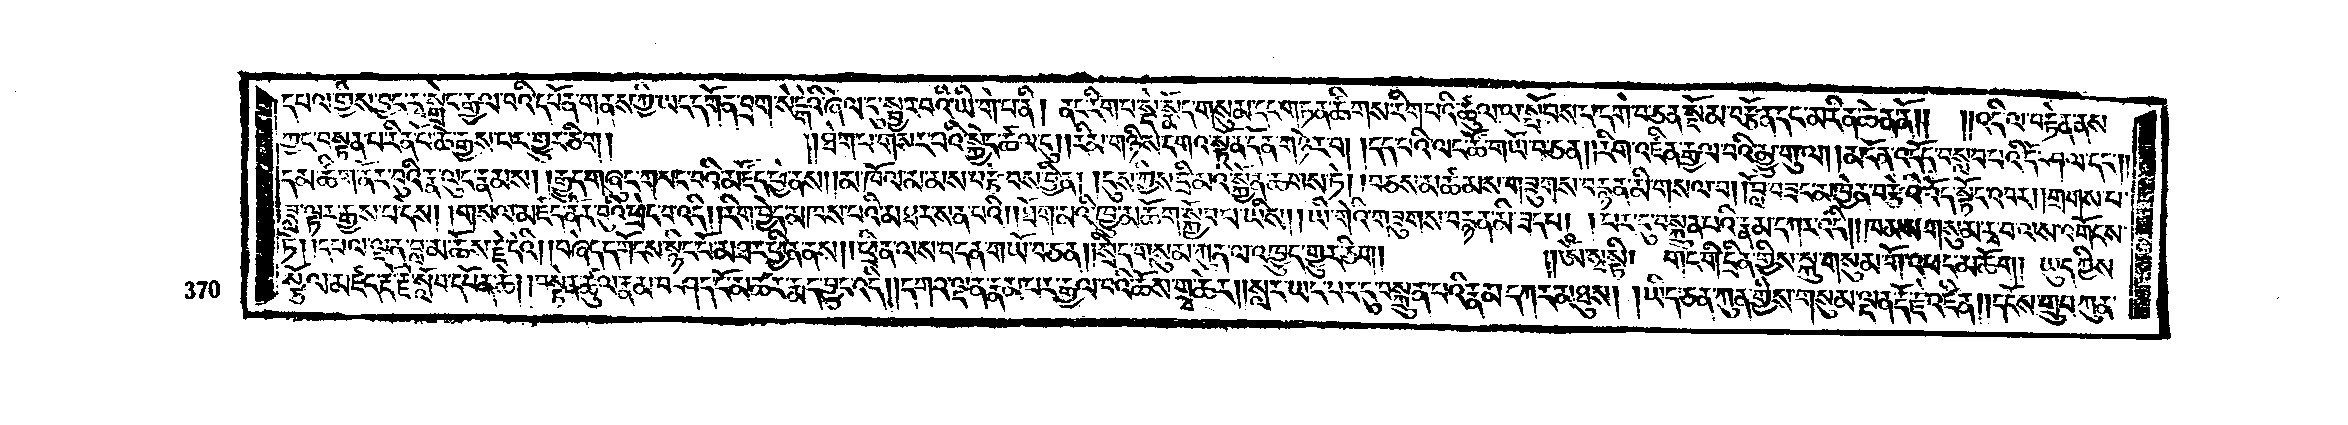དཔལ་གྱིས་བྱང་རྭ་སྒྲེང་རྒྱལ་བའི་དཔོན་གནས་ཀྱི་ཡང་དགོན་བྲག་སེངྒེའི་ཞེལ་དུ་སྦྱར་བའི་ཡི་གེ་པ་ནི། ནང་རིག་པ་སྡེ་སྣོད་གསུམ་དང་གཏན་ཚིགས་རིག་པའི་ཚུལ་ལ་སྤོབས་པ་དགེ་བ་ཅན་སྡོམ་བརྩོན་དང་མ་རིན་ཆེན་ནོ།། །།འདི་ལ་བརྟེན་ནས་
ཀྱང་བསྟན་པ་རིན་པོ་ཆེ་རྒྱས་པར་གྱུར་ཅིག། །།ཐེག་པ་གསར་པའི་སྐྱེད་ཚལ་དུ། །རིམ་གཉིས་དགའ་སྟོན་དོན་གཉེར་བ། །དད་པའི་ལང་ཚོ་གཡོ་བ་ཅན། །རིག་འཛིན་རྒྱལ་བའི་མྱུ་གུ་ལ། །མངོན་འདོད་བསླབ་པའི་དོ་ཤལ་དང།།
དམ་ཚིག་ནོར་བུའི་རྣ་ལུང་རྣམས། །རྒྱུད་གཞུང་གསང་བའི་མཛོད་ཕྱེ་ནས། །མ་ཁོལ་མ་མས་བརྩེ་བས་བྱིན། །དུས་ཀྱིས་དྲི་མའི་སྐྱོན་ཆགས་ཏེ། །བཅས་མཚམས་གཟུགས་བརྙན་མི་གསལ་བ། །བློ་བཟང་མཁྱེན་བརྩེའི་འོད་སྟོང་འབར། །གྲགས་པ་
ཟླ་ལྟར་རྒྱས་པ་དེས། །གསལ་མཛད་ནོར་བུའི་ཕྲེང་བ་འདི། །རིག་བྱེད་མཁས་པའི་མཐར་སན་པའི། །ཐོག་མའི་ཁྱུ་མཆོག་སྐྱོབ་པ་ཡིས། །ཡི་གེའི་གཟུགས་བརྙན་མི་ཟད་པ། །པར་དུ་བསྐྲུན་པའི་རྣམ་དཀར་འདི། །ཁམས་གསུམ་རྭ་བ་ལས་འགོངས་
ཏེ། །དཔལ་ལྡན་བླ་མ་ཆོས་རྗེ་དེའི། །བཞེད་དགོངས་སྙིང་པོ་མཐར་ཕྱིན་ནས། །ཕྲིན་ལས་བདན་གཡོ་བ་ཅན། །སྲིད་གསུམ་ཀུན་ལ་འཁྱུད་གྱུར་ཅིག། །།ཨོཾ་སྭ་སྟི། གང་གི་དྲིན་གྱིས་སྐུ་གསུམ་གོ་འཕང་མཆོག །ཡུད་ཀྱིས་
སྩོལ་མཛད་རྡོ་རྗེ་སློབ་དཔོན་ཆེ། །བསྟེན་ཚུལ་རྣམ་བཤད་དོ་མཚར་རྨད་བྱུང་འདི། །དགའ་ལྡན་རྣམ་པར་རྒྱལ་བའི་ཆོས་གྲྭ་ཆེར། །སླར་ཡང་པར་དུ་བསྐྲུན་པའི་རྣམ་དཀར་མཐུས། །ཡིད་ཅན་ཀུན་གྱིས་གསུམ་ལྡན་རྡོ་རྗེ་འཛིན། །དངོས་གྲུབ་ཀུན་